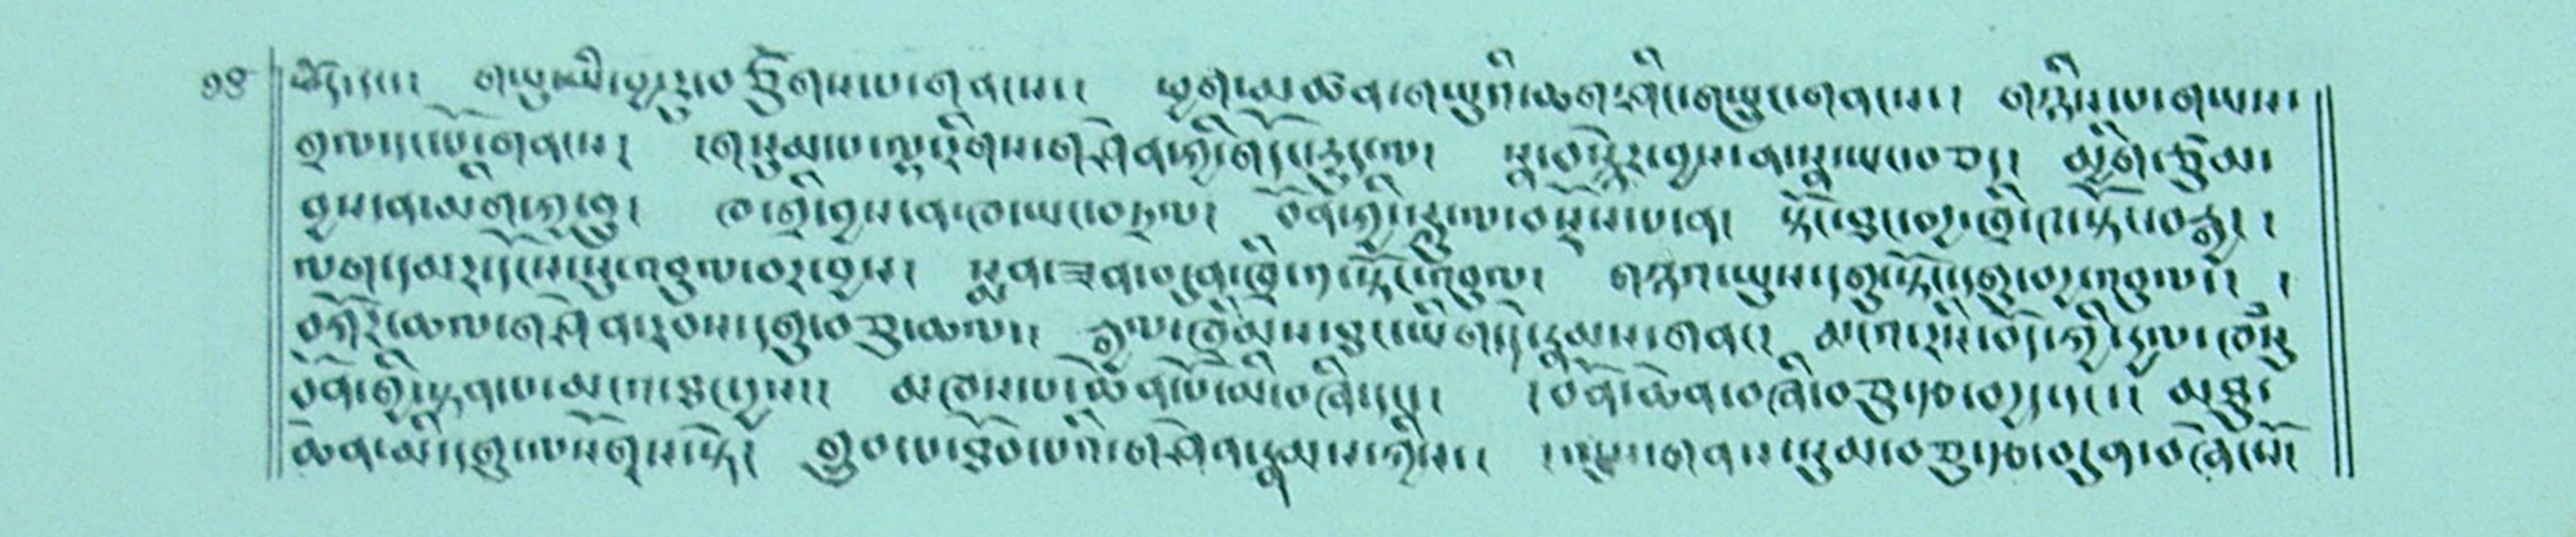ཕོད་དང་། གཡུ་ཡི་བྱ་རུ་བཙུགས་པ་གནང་། ཕྱག་མཚན་གཡུའི་ཆག་ཤིང་གཡུང་དྲུང་གནངས་། གཉིས་པ་གཡས་
གྲལ་དང་པོ་གནངས། གསུམ་པ་ལྷ་རིགས་གཤེན་གྱི་གདོང་རྒྱུད་ལ། སྣ་གསྙེར་བྱས་ནས་སྣ་ཡང་བཅད། མྱིག་ཙུམ་
བྱས་ནས་མིག་ཀྱང་བྲུ། ཁ་གྲི་བྱས་ན་ཁ་ཡང་འཏྲལ། བོན་གྱི་སྐུ་ལ་བསྡོས་པ་ན། སྟོང་ཐང་བརྒྱ་ཁྲི་བཞི་སྟོང་བརྒྱ། 
ལག་དམར་དངོས་སུ་འབུལ་བར་བྱས། སྨན་ཟན་བདུན་ཁྲི་གཅིག་སྟོང་འབུལ། གཉའ་ཡུས་དགུ་སྟོང་དགུ་བརྒྱ་འབུལ། 
བཀོར་ཆལ་གཤེན་རབ་དགུ་བཅུ་ཆལ། རྒྱལ་ཁྲིམས་ཐང་ཡིག་དེ་རྣམས་གནང་། མངའ་རིས་བོད་ཀྱི་རྒྱལ་ཁམས་སུ།
 བོན་གྱི་བསྟན་པ་མངའ་ཐང་རྒྱས། མཁས་པ་ཆེན་པོ་མི་བཞི་དང་། བོན་ཆེན་བཞི་བཅུ་རྩ་བརྒྱད་དང་། མཐུ་
ཆེན་མི་དགུ་ལ་སོགས་ཏེ། གྲུབ་པ་ཐོབ་པའི་གཤེན་རྣམས་ཀྱིས། འདུས་གནས་སུམ་བཅུ་རྩ་བདུན་བཞེངས་སོ།